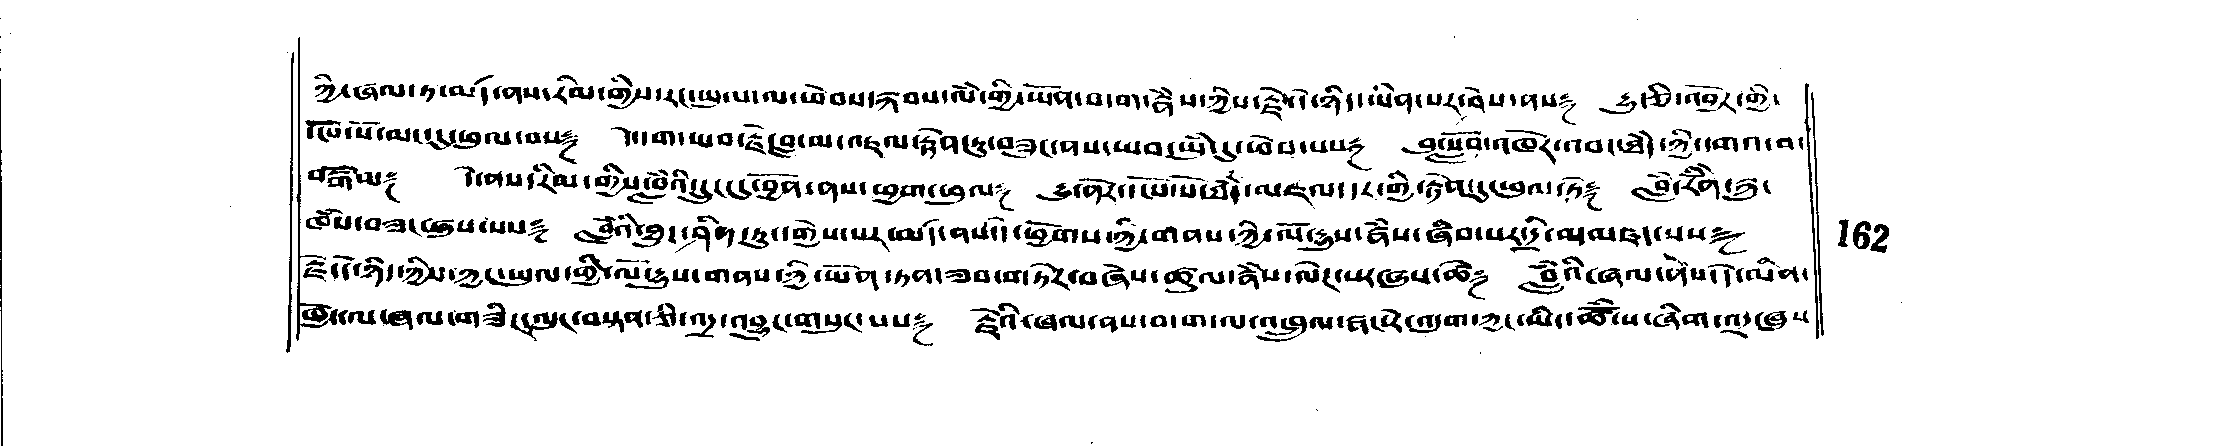ཀྱི་ཞལ་ཏ་མཛད་ནས་རིམ་གྱིས་རང་ཡུལ་ལ་ཕེབས་སྐབས་ལམ་གྱི་ཡོན་བདག་རྣམས་ཀྱིས་རྗེ་དེ་ཉིད་ཡིན་པར་ཤེས་ནས།རྒྱུ་ཅི་འབྱོར་གྱི་
དངོས་པོ་མང་དུ་ཕུལ་བས། དེ་དག་ཡབ་རྗེ་བླ་མ་མཇལ་རྟེན་ཏུ་བཟུང་ནས་ཡབ་ཡུམ་༼ཡུལ་?༽དུ་ཕེབས་པས། བུ་སློབ་འཁོར་འབངས་ཐམས་ཅད་ཀྱི་དགའ་བ་
བསྒོམ། དེ་ནས་རིམ་གྱིས་བླ་མའི་དྲུང་དུ་བྱོན་ནས་ཕྱག་ཕུལ། རྒྱུ་ནོར་དངོས་སོ་ཐམས་ཅད་མཇལ་དར་གྱི་རྟེན་དུ་ཕུལ་ཏེ། བླ་མ་རིན་པོ་ཆེ་སྐུ་
ཁམས་བཟང་ཞུས་པས། བླ་མའི་ཐུགས་ཤིན་ཏུ་དགྱེས་པར་མཛད་ནས་དེ་ཕྱོགས་ཀྱི་གནས་ཀྱི་ལོ་རྒྱུས་རྣམས་ཞིབ་པར་དྲི་བ་མཛད་པས། 
རྗེ་དེ་ཉིད་ཀྱིས་ཀྱང་ཡུལ་གྱི་ལོ་རྒྱུས་གནས་ཀྱི་ཡོན་ཏན་ཟབ་གཏེར་བཞེས་ཚུལ་རྣམས་ལེགས་པར་ཞུས་ཚེ། བླ་མའི་ཞལ་ནས་དེ་མིན་
ཁྱོད་ལ་ཞལ་གཟིགས་ལུང་བསྟན་ཅི་འདྲ་འབྱུང་གསུངས་པས། རྗེའི་ཞལ་ནས་བདག་ལ་འཁྲུལ་སྣང་རེ་འདུག་ཀྱང་ཡིད་ཚོམ་པ་ཞིག་འདྲ་ཞུས་